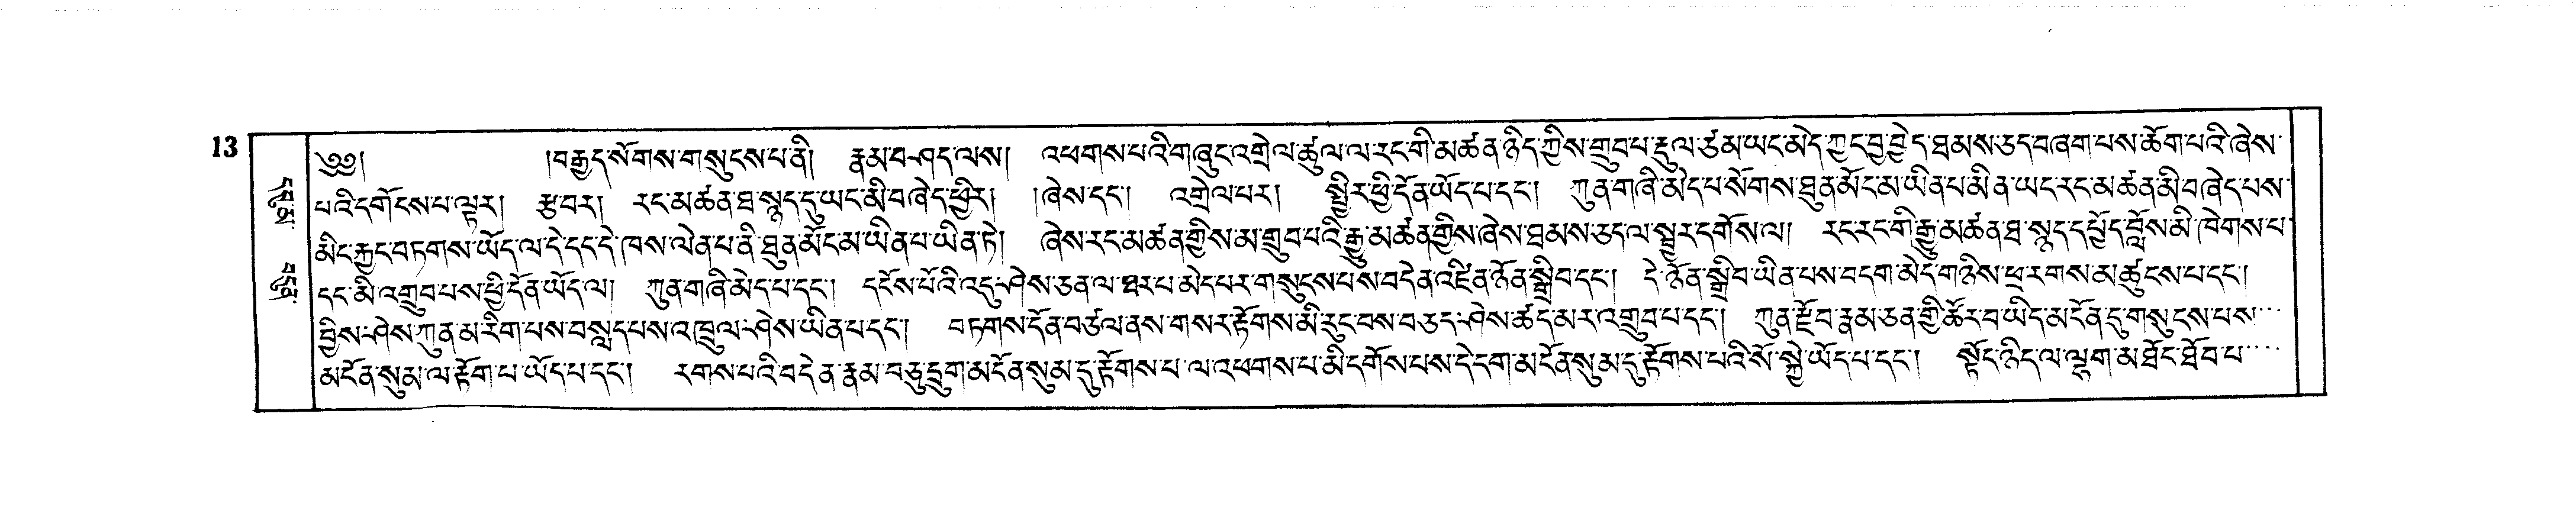༄༅། །བརྒྱད་སོགས་གསུངས་པ་ནི། རྣམ་བཤད་ལས། འཕགས་པའི་གཞུང་འགྲེལ་ཚུལ་ལ་རང་གི་མཚན་ཉིད་ཀྱིས་གྲུབ་པ་རྡུལ་ཙམ་ཡང་མེད་ཀྱང་བྱ་བྱེད་ཐམས་ཅད་བཞག་པས་ཆོག་པའི་ཞེས་
པའི་དགོངས་པ་ལྟར། རྩ་བར། རང་མཚན་ཐ་སྙད་དུ་ཡང་མི་བཞེད་ཕྱིར། །ཞེས་དང་། འགྲེལ་པར། སྤྱིར་ཕྱི་དོན་ཡོད་པ་དང་། ཀུན་གཞི་མེད་པ་སོགས་ཐུན་མོང་མ་ཡིན་པ་མིན་ཡང་རང་མཚན་མི་བཞེད་པས་
མིང་རྐྱང་བཏགས་ཡོད་ལ་དེ་དང་དེ་ཁས་ལེན་པ་ནི་ཐུན་མོང་མ་ཡིན་པ་ཡིན་ཏེ། ཞེས་རང་མཚན་གྱིས་མ་གྲུབ་པའི་རྒྱུ་མཚན་གྱིས་ཞེས་ཐམས་ཅད་ལ་སྦྱར་དགོས་ལ། རང་རང་གི་རྒྱུ་མཚན་ཐ་སྙད་དཔྱོད་བློས་མི་ཁེགས་པ་
དང་མི་འགྲུབ་པས་ཕྱི་དོན་ཡོད་ལ། ཀུན་གཞི་མེད་པ་དང་། དངོས་པོའི་འདུ་ཤེས་ཅན་ལ་ཐར་པ་མེད་པར་གསུངས་པས་བདེན་འཛིན་ཉོན་སྒྲིབ་དང་། དེ་ཉོན་སྒྲིབ་ཡིན་པས་བདག་མེད་གཉིས་ཕྲ་རགས་མཚུངས་པ་དང་།
བྱིས་ཤེས་ཀུན་མ་རིག་པས་བསླད་པས་འཁྲུལ་ཤེས་ཡིན་པ་དང་། བཏགས་དོན་བཙལ་ནས་གསར་རྟོགས་མི་རུང་བས་བཅད་ཤེས་ཚད་མར་འགྲུབ་པ་དང་། ཀུན་རྫོབ་རྣམ་ཅན་གྱི་ཚོར་བ་ཡིད་མངོན་དུ་གསུངས་པས་
མངོན་སུམ་ལ་རྟོག་པ་ཡོད་པ་དང་། རགས་པའི་བདེན་རྣམ་བཅུ་དྲུག་མངོན་སུམ་དུ་རྟོགས་པ་ལ་འཕགས་པ་མི་དགོས་པས་དེ་དག་མངོན་སུམ་དུ་རྟོགས་པའི་སོ་སྐྱེ་ཡོད་པ་དང་། སྟོང་ཉིད་ལ་ལྷག་མཐོང་ཐོབ་པ་